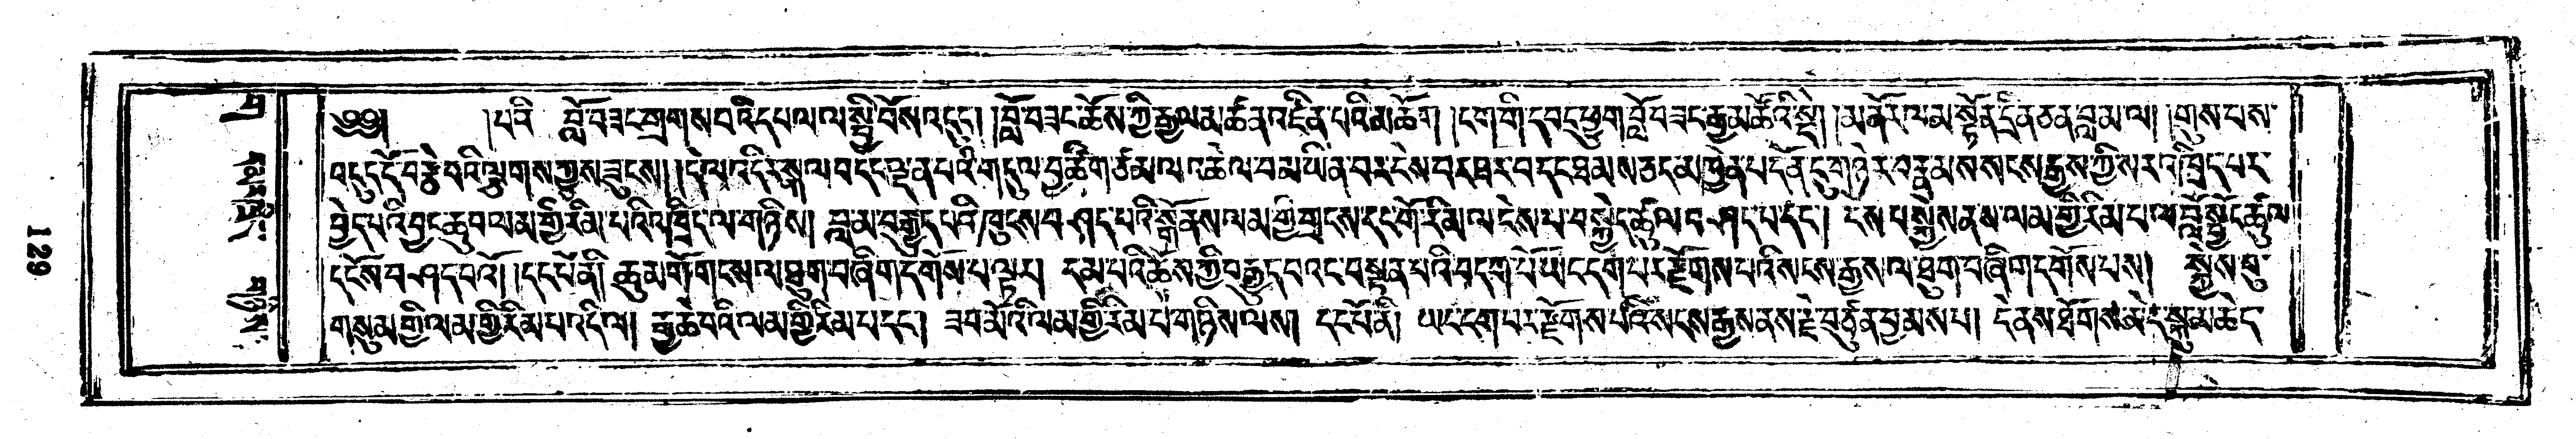༄༅། །པའི་བློ་བཟང་གྲགས་པའི་དཔལ་ལ་སྤྱི་བོས་འདུད། །བློ་བཟང་ཆོས་ཀྱི་རྒྱལ་མཚན་འཛིན་པའི་མཆོག །ངག་གི་དབང་ཕྱུག་བློ་བཟང་རྒྱ་མཚོའི་སྡེ། །མནོར་ལམ་སྟོན་དྲིན་ཅན་བླ་མ་ལ། །གུས་པས་
བདུད་དོ་བརྩེ་བའི་ལྕགས་ཀྱུས་ཟུངས། །དེ་ལ་འདིར་སྐལ་བ་དང་ལྡན་པའི་གདུལ་བྱ་ཚིག་ཙམ་ལ་འཆེལ་བ་མ་ཡིན་པར་ངེས་པར་ཐར་བ་དང་ཐམས་ཅད་མཁྱེན་པ་དོན་དུ་གཉེར་བ་རྣམས་སངས་རྒྱས་ཀྱི་སར་འཁྲིད་པར་
བྱེད་པའི་བྱང་ཆུབ་ལམ་གྱི་རིམ་པའི་འཁྲིད་ལ་གཉིས། བླ་མ་བརྒྱུད་པའི་ཁུངས་བཤད་པའི་སྒོ་ནས་ལམ་གྱི་གྲངས་དང་གོ་རིམ་ལ་ངེས་པ་བསྐྱེད་ཚུལ་བཤད་པ་དང་། ངས་པ་སྐྱེས་ནས་ལམ་གྱི་རིམ་པ་ལ་བློ་སྤྱོད་ཚུལ་
དངོས་བཤད་པའོ། །དང་པོ་ནི། ཆུ་མགོ་གངས་ལ་ཐུག་བཞིག་དགོས་པ་ལྟར། དམ་པའི་ཆོས་ཀྱི་བརྒྱུད་པའང་བསྟན་པའི་བདག་པོ་ཡང་དག་པར་རྫོགས་པའི་སངས་རྒྱས་ལ་ཐུགས་བཞིག་དགོས་པས། སྐྱེས་བུ་
གསུམ་གྱི་ལམ་གྱི་རིམ་པ་འདི་ལ། རྒྱ་ཆེ་བའི་ལམ་གྱི་རིམ་པ་དང་། ཟབ་མོའི་ལམ་གྱི་རིམ་པ་གཉིས་ལས། དང་པོ་ནི། ཡང་དག་པར་རྫོགས་པའི་སངས་རྒྱས་ནས་རྗེ་བཙུན་བྱམས་པ། དེ་ནས་ཐོགས་མེད་སྐུ་མཆེད་